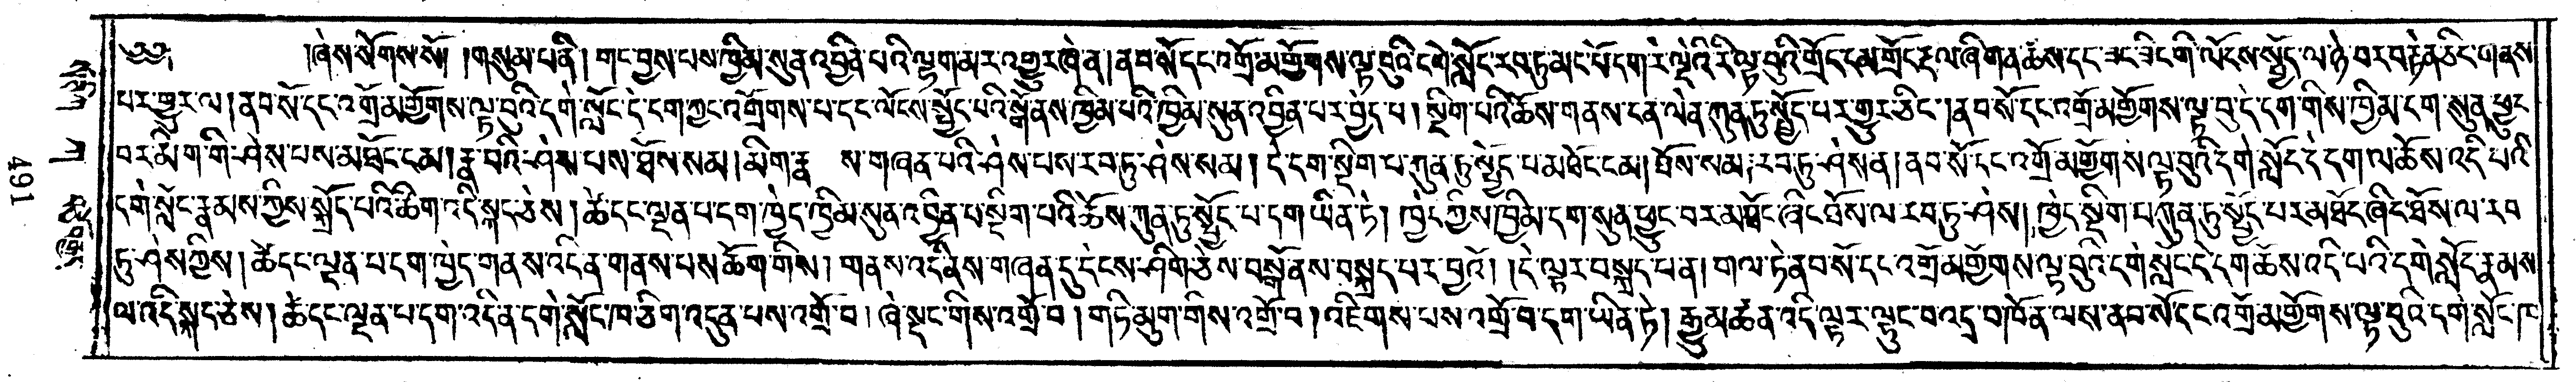༄༅། །ཞེས་སོགས་སོ། །གསུམ་པ་ནི། གང་བྱས་པས་ཁྱིམ་སུན་འབྱིན་པའི་ལྷག་མར་འགྱུར་ཞེ་ན། ནབ་སོ་དང་འགྲོ་མགྱོགས་ལྟ་བུའི་དགེ་སློང་རབ་ཏུ་མང་པོ་དག་རེ་ལྡེའི་རི་ལྟ་བུའི་གྲོང་དམ་གྲོང་རྡལ་ཞིག་ན་ཆོས་དང་ཟང་ཟིང་གི་ལོངས་སྤྱོད་ལ་ཉེ་བར་བརྟེན་ཅིང་གནས་
པར་གྱུར་ལ། ནབ་སོ་དང་འགྲོ་མགྱོགས་ལྟ་བུའི་དགེ་སློང་དེ་དག་ཀྱང་འགྲོགས་པ་དང་ལོངས་སྤྱོད་པའི་སྒོ་ནས་ཁྱིམ་པའི་ཁྱིམ་སུན་འབྱིན་པར་བྱེད་པ། སྡིག་པའི་ཆོས་གནས་ངན་ལེན་ཀུན་ཏུ་སྤྱོད་པར་གྱུར་ཅིང་།ནབ་སོ་དང་འགྲོ་མགྱོགས་ལྟ་བུ་དེ་དག་གིས་ཁྱིམ་ངག་སུན་ཕྱུང་
བར་མིག་གི་ཤེས་པས་མཐོང་ངམ། རྣ་བའི་ཤེས་པས་ཐོས་སམ། མིག་རྣམས?་གཞན་པའི་ཤེས་པས་རབ་ཏུ་ཤེས་སམ། དེ་དག་སྡིག་པ་ཀུན་ཏུ་སྤྱོད་པ་མཐོང་ངམ། ཐོས་སམ༑ རབ་ཏུ་ཤེས་ན། ནབ་སོ་དང་འགྲོ་མགྱོགས་ལྟ་བུའི་དགེ་སློང་དེ་དག་ལ་ཆོས་འདི་པའི་
དགེ་སློང་རྣམས་ཀྱིས་སྐྲོད་པའི་ཚིག་འདི་སྐད་ཅེས། ཚེ་དང་ལྡན་པ་དག་ཁྱེད་ཁྱིམ་སུན་འབྱིན་པ་སྡིག་པའི་ཆོས་ཀུན་ཏུ་སྤྱོད་པ་དག་ཡིན་ཏེ། ཁྱེད་ཀྱིས་ཁྱིམ་དག་སུན་ཕྱུང་བར་མཐོང་ཞིང་ཐོས་ལ་རབ་ཏུ་ཤེས། ཁྱེད་སྡིག་པ་ཀུན་ཏུ་སྤྱོད་པར་མཐོང་ཞིང་ཐོས་ལ་རབ་
ཏུ་ཤེས་ཀྱིས། ཚེ་དང་ལྡན་པ་དག་ཁྱེད་གནས་འདི་ན་གནས་པས་ཆོག་གིས། གནས་འདི་ནས་གཞན་དུ་དེངས་ཤིག་ཅེས་བསྒོ་ནས་བསྐྲད་པར་བྱའོ། །དེ་ལྟར་བསྐྲད་པ་ན། གལ་ཏེ་ནབ་སོ་དང་འགྲོ་མགྱོགས་ལྟ་བུའི་དགེ་སློང་དེ་དག་ཆོས་འདི་པའི་དགེ་སློང་རྣམས་
ལ་འདི་སྐད་ཅེས། ཚེ་དང་ལྡན་པ་དག་འདི་ན་དགེ་སློང་ཁ་ཅིག་འདུན་པས་འགྲོ་བ། ཞེ་སྡང་གིས་འགྲོ་བ་།གཏི་མུག་གིས་འགྲོ་བ། འཇིགས་པས་འགྲོ་བ་དག་ཡིན་ཏེ། རྒྱུ་མཚན་འདི་ལྟར་ལྟུང་བ་འདྲ་བ་ཁོ་ན་ལས་ནབ་སོ་དང་འགྲོ་མགྱོགས་ལྟ་བུའི་དགེ་སློང་ཁ་